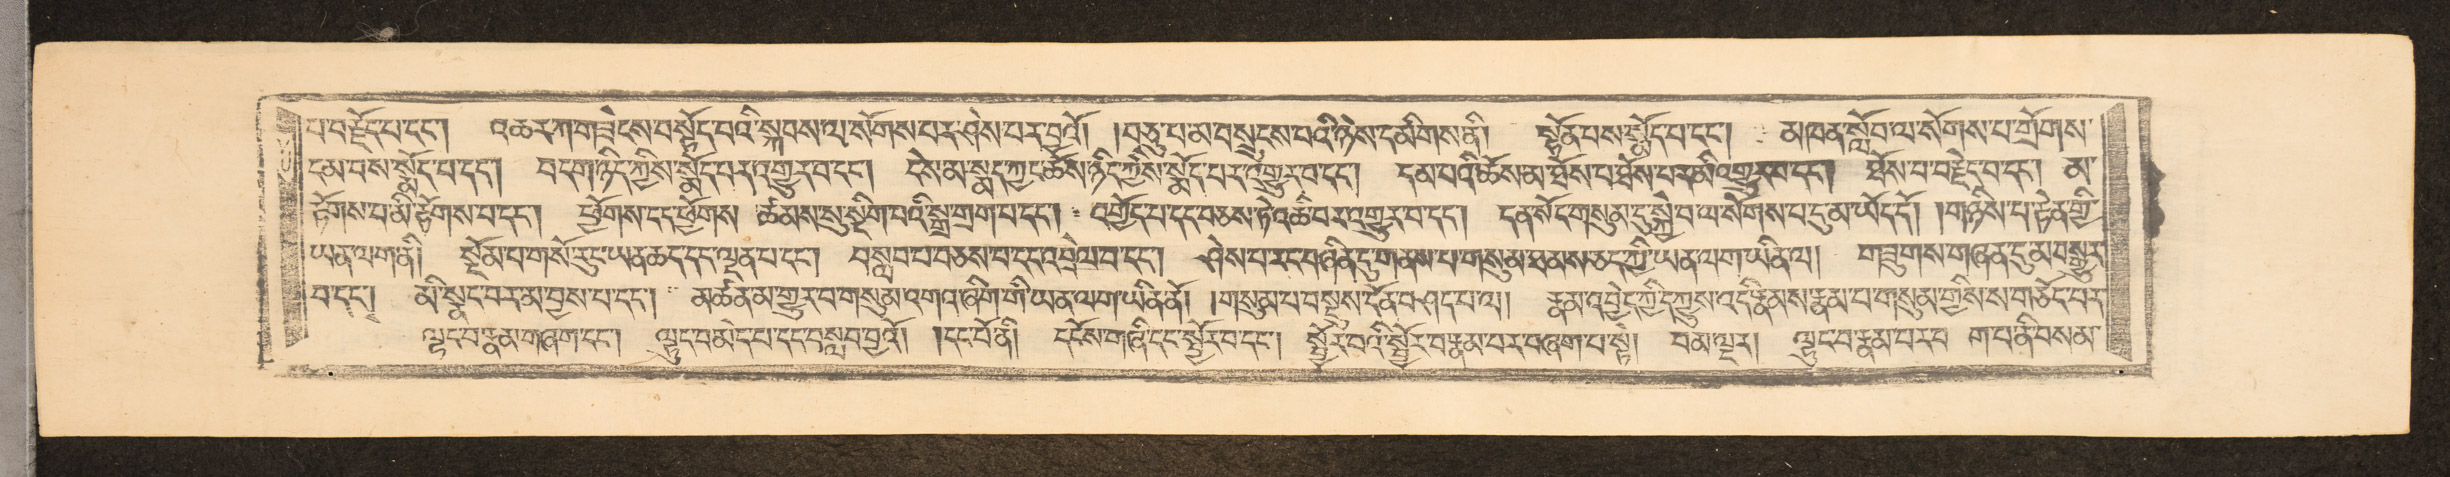པ་བརྗོད་པ་དང་། འཆར་ཀ་གཟེངས་བསྟོད་པའི་སྐབས་ལ་སོགས་པར་ཤེས་པར་བྱའོ། །བཅུ་པ་མ་བསྲུངས་པའི་ཉེས་དམིགས་ནི། སྟོན་པས་སྨོད་པ་དང་། མཁན་སློབ་ལ་སོགས་པ་གྲོགས་
དམ་པས་སྨོད་པ་དང་། བདག་ཉིད་ཀྱིས་སྨོད་པར་འགྱུར་བ་དང་། དེས་མ་སྨད་ཀྱང་ཆོས་ཉིད་ཀྱིས་སྨོད་པར་འགྱུར་བ་དང་། དམ་པའི་ཆོས་མ་ཐོས་པ་ཐོས་པར་མི་འགྱུར་བ་དང་། ཐོས་པ་བརྗེད་པ་དང་། མ་
རྟོགས་པ་མི་རྟོགས་པ་དང་། ཕྱོགས་དང་ཕྱོགས་མཚམས་སུ་སྡིག་པའི་སྒྲ་གྲག་པ་དང་། འགྱོད་པ་དང་བཅས་ཏེ་འཆི་བར་འགྱུར་བ་དང་། ངན་སོང་གསུམ་དུ་སྐྱེ་བ་ལ་སོགས་པ་དུ་མ་ཡོད་དོ། །གཉིས་པ་རྟེན་གྱི་
ཡན་ལག་ནི། སྡོམ་པ་གསོ་རུང་ཡན་ཆད་དང་ལྡན་པ་དང་། བསླབ་པ་བཅས་པ་དང་འབྲེལ་བ་དང་། ཤེས་པ་རང་བཞིན་དུ་གནས་པ་གསུམ་ཐམས་ཅད་ཀྱི་ཡན་ལག་ཡིན་ལ། གཟུགས་གཞན་དུ་མ་བསྒྱུར་
བ་དང་། མི་སྣང་བར་མ་བྱས་པ་དང་། མཚན་མ་གྱུར་པ་གསུམ་འགའ་ཞིག་གི་ཡན་ལག་ཡིན་ནོ། །གསུམ་པ་བསྡུས་དོན་བཤད་པ་ལ། རྣམ་འབྱེད་ཀྱི་དཀྱུས་འདི་རྣམས་རྣམ་པ་གསུམ་གྱིས་ས་གཅོད་པར་
མཛད་དེ། ལྟུང་བ་རྣམ་གཞག་དང་། ལྟུང་བ་མེད་པ་དང་བསླབ་བྱའོ། །དང་པོ་ནི། དངོས་གཞི་དང་སྦྱོར་པ་དང་། སྦྱོར་བའི་སྦྱོར་བ་རྣམ་པར་བཞག་པ་སྟེ། བམ་ལྔར། ལྟུང་བ་རྣམ་པར་བཞག་པ་ནི་བསམ་